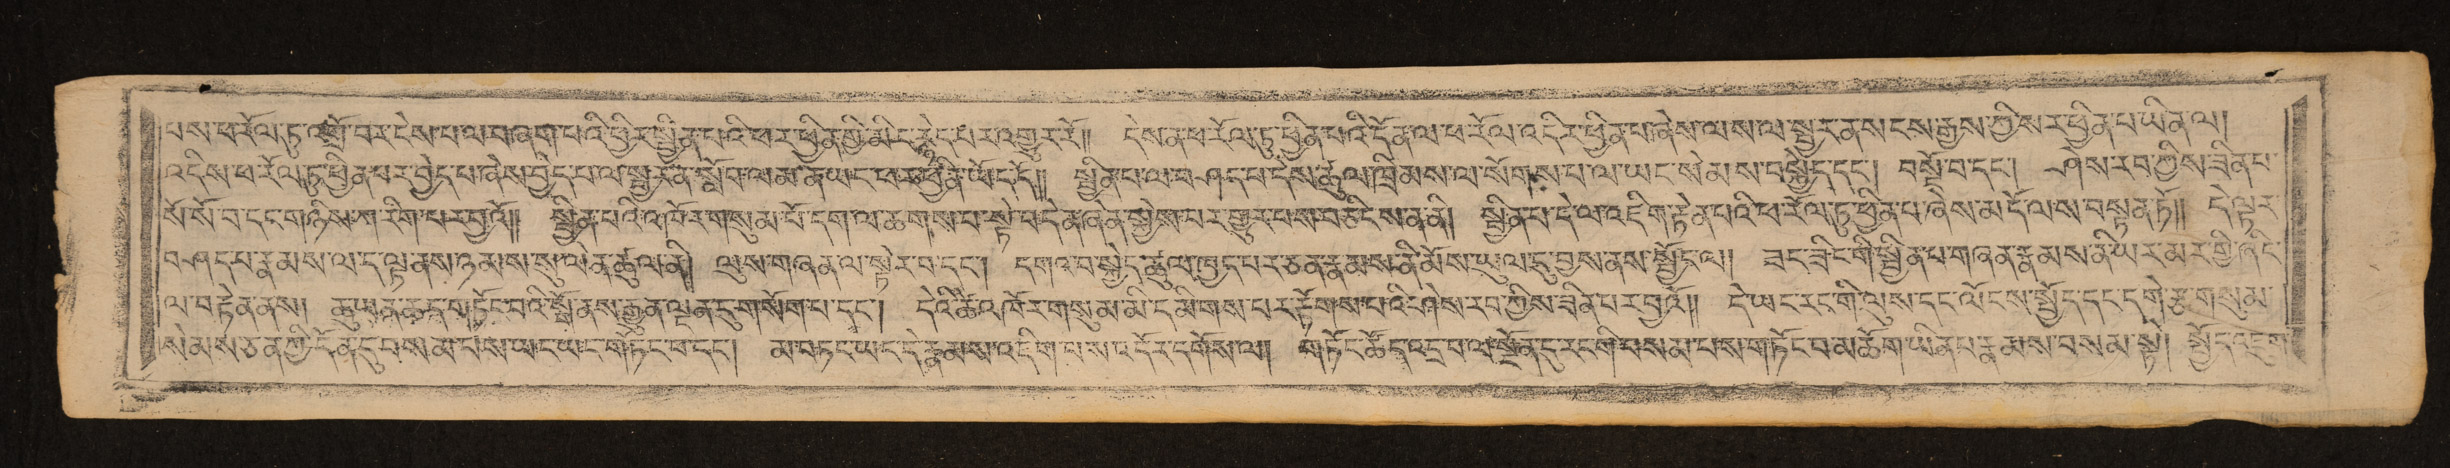པས་ཕ་རོལ་ཏུ་འགྲོ་བར་ངེས་པ་ལ་བཞག་པའི་ཕྱིར་སྦྱིན་པའི་ཕར་ཕྱིན་གྱི་མིང་རྙེད་པར་འགྱུར་རོ།། དེས་ན་ཕ་རོལ་ཏུ་ཕྱིན་པའི་དོན་ལ་ཕ་རོལ་འདིར་ཕྱིན་པ་ཞེས་ལས་ལ་སྦྱར་ན་སངས་རྒྱས་ཀྱི་སར་ཕྱིན་པ་ཡིན་ལ།
འདིས་ཕ་རོལ་ཏུ་ཕྱིན་པར་བྱེད་པ་ཞེས་བྱེད་པ་ལ་སྦྱར་ན་སློབ་ལམ་ན་ཡང་ཕར་ཕྱིན་ཡོད་དོ།། སྦྱིན་པ་ལ་བཤད་པ་དེས་ཚུལ་ཁྲིམས་ལ་སོགས་པ་ལ་ཡང་སེམས་བསྐྱེད་དང་། བསྔོ་བ་དང་། ཤེས་རབ་ཀྱིས་ཟིན་པ་
སོ་སོ་བ་དང་གཉིས་ཀ་རིག་པ་བྱའོ།། སྦྱིན་པའི་འཁོར་གསུམ་པོ་དག་ལ་ཆགས་པ་སྟེ་བདེན་ཞེན་སྐྱེས་པར་གྱུར་པས་བཅིངས་ན་ནི། སྦྱིན་པ་དེ་ལ་འཇིག་རྟེན་པའི་ཕ་རོལ་ཏུ་ཕྱིན་པ་ཞེས་མདོ་ལས་བསྟན་ཏོ།། དེ་ལྟར་
བཤད་པ་རྣམས་ལ་ད་ལྟ་ནས་ཉམས་སུ་ལེན་ཚུལ་ནི། ལུས་གཞན་ལ་སྟེར་བ་དང་། དགའ་བ་སྐྱེད་ཚུལ་ཁྱད་པར་ཅན་རྣམས་ནི་མོས་ཡུལ་དུ་བྱས་ནས་སྦྱོང་ལ། ཟང་ཟིང་གི་སྦྱིན་པ་གཞན་རྣམས་ནི་ཡར་མར་གྱི་ཞིང་
ལ་བརྟེན་ནས། ཆུ་ཡན་ཆད་གཏོང་བའི་སྒོ་ནས་རྒྱུན་ལྡན་དུ་གསོག་པ་དང་། དེའི་ཚེ་འཁོར་གསུམ་མི་དམིགས་པར་རྟོགས་པའི་ཤེས་རབ་ཀྱིས་ཟིན་པར་བྱའོ།། དེ་ཡང་རང་གི་ལུས་དང་ལོངས་སྤྱོད་དང་དགེ་རྩ་གསུམ་
སེམས་ཅན་གྱི་དོར་དུ་བསམ་པས་ཡང་ཡང་གཏོང་བ་དང་། མ་བཏང་ཡང་དེ་རྣམས་འཇིག་པས་འདོར་དགོས་ལ། གཏོང་ཚོད་འདྲ་བ་ལ་སྔོན་དུ་རང་གི་བསམ་པས་གཏོང་བ་མཆོག་ཡིན་པ་རྣམས་བསམ་སྟེ། སྤྱོད་འཇུག་